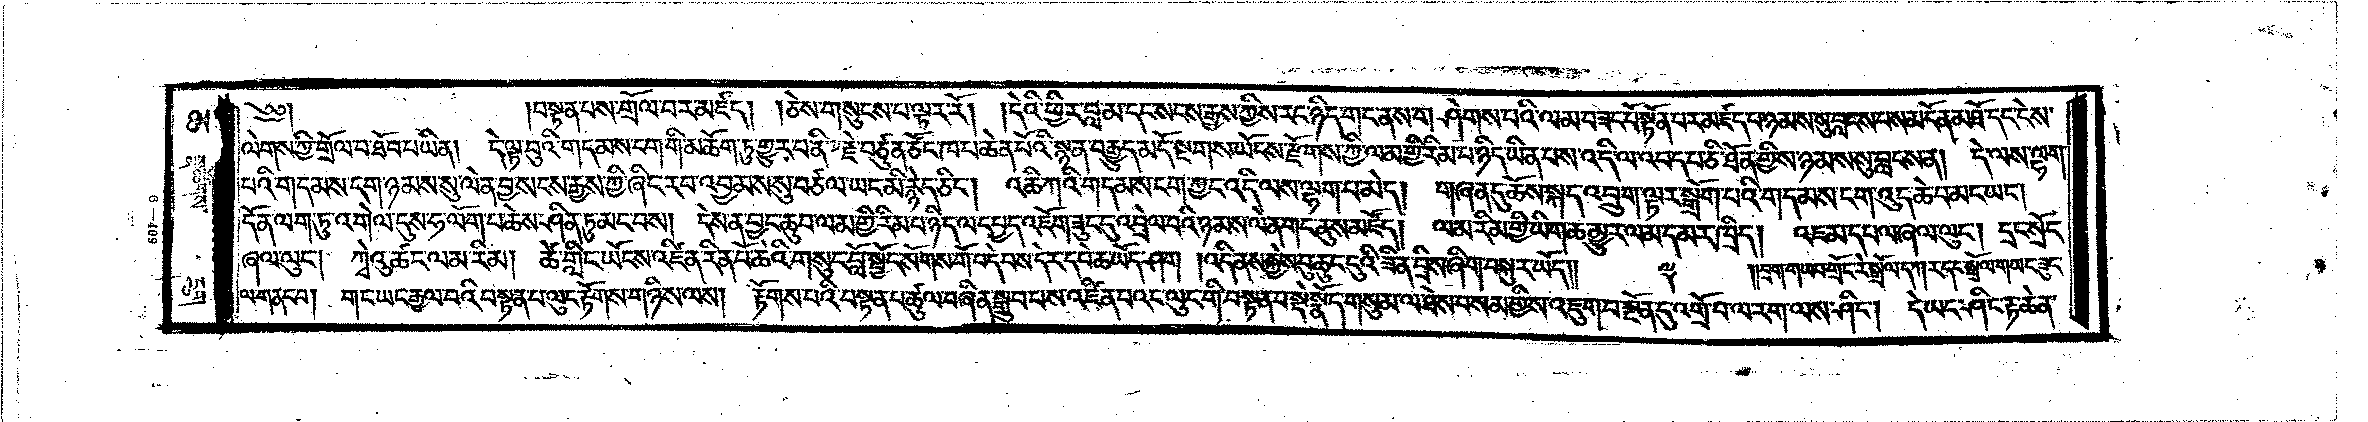༄༅། །བསྟན་པས་གྲོལ་བར་མཛད། །ཅེས་གསུངས་པ་ལྟར་རོ། །དེའི་ཕྱིར་བླ་མ་དང་སངས་རྒྱས་ཀྱིས་རང་ཉིད་གང་ནས་གཤེགས་པའི་ལམ་བཟང་པོ་སྟོན་པར་མཛད་པ་ཉམས་སུ་བླངས་པས་མངོན་མཐོ་དང་ངེས་
ཕ༹ླེགས་ཀྱི་གྲོལ་བ་ཐོབ་པ་ཡིན། དེ་ལྟ་བུའི་གདམས་ངག་གི་མཆོག་ཏུ་གྱུར་བ་ནི ༧་རྗེ་བཙུན་ཙོང་ཁ་པ་ཆེན་པོའི་སྙན་བརྒྱུད་མདོ་སྔགས་ཡོངས་རྫོགས་ཀྱི་ལམ་གྱི་རིམ་པ་ཉིད་ཡིན་པས་འདི་ལ་འབད་པ་ཅི་ཐོན་གྱིས་ཉམས་སུ་བླངས་ན། དེ་ལས་ལྷག་
ཕ༹པའི་གདམས་ངག་ཉམས་སུ་ལེན་བྱ་སངས་རྒྱས་ཀྱི་ཞིང་རབ་འབྱམས་སུ་བཙལ་ཡང་མི་རྙེད་ཅིང་། འཆི་ཀའི་གདམས་ངག་ཀྱང་འདི་ལས་ལྷག་པ་མེད། གཞན་དུ་ཆོས་སྐད་འབྲུག་ལྟར་སྒྲོག་པའི་གདམས་ངག་འདུ་ཆེ་བ་མང་ཡང་།
དོན་ལག་ཏུ་འགེལ་དུས་ལྷ་ལོག་པ་ཆེས་ཤིན་ཏུ་མང་བས། དེས་ན་བྱང་ཆུབ་ལམ་གྱི་རིམ་པ་ཉིད་ལ་དཔྱད་འཇོག་ཟུང་དུ་འབྲེལ་བའི་ཉམས་ལེན་གང་ནུས་མཛོད། ལམ་རིམ་གྱི་ཡིག་ཆ་མྱུར་ལམ་དམར་ཁྲིད། འཇམ་དཔལ་ཞལ་ལུང་། དྲང་སྲོང་
ཞལ་ལུང་། ཀྭེའུ་སང་ལམ་རིམ། ཚེ་གླིང་ཡོངས་འཛིན་རིན་པོ་ཆེའི་གསུང་བློ་སྦྱོང་སོགས་གོ་བདེབས་དེར་དབེ་ཆ་ཡོད་ཤག །འདི་ནས་སྐྱེས་བུ་ཆུང་ངུའི་ཟིན་བྲིས་ཞིག་བསྐུར་ཡོད།། ༈ །བྲག་གཡབ་གྲོང་རེ་སྒྲོལ་དཀར་དང་སྦྲོ་གཡང་ཟུང་
ལ་གནང་བ། གང་ཡང་རྒྱལ་བའི་བསྟན་པ་ལུང་རྟོགས་གཉིས་ལས། རྟོགས་པའི་བསྟན་པ་ཚུལ་སྒྲུབ་པས་འཛིན་པའང་ལུང་གི་བསྟན་པ་སྡེ་སྣོད་གསུམ་ལ་ཐེས་བསམ་གྱིས་འཇུག་པ་སྔོན་དུ་འགྲོ་བ་ལ་རགས་ལས་ཤིང་། དེ་ཡང་ཤིང་རྟ་ཆེན་